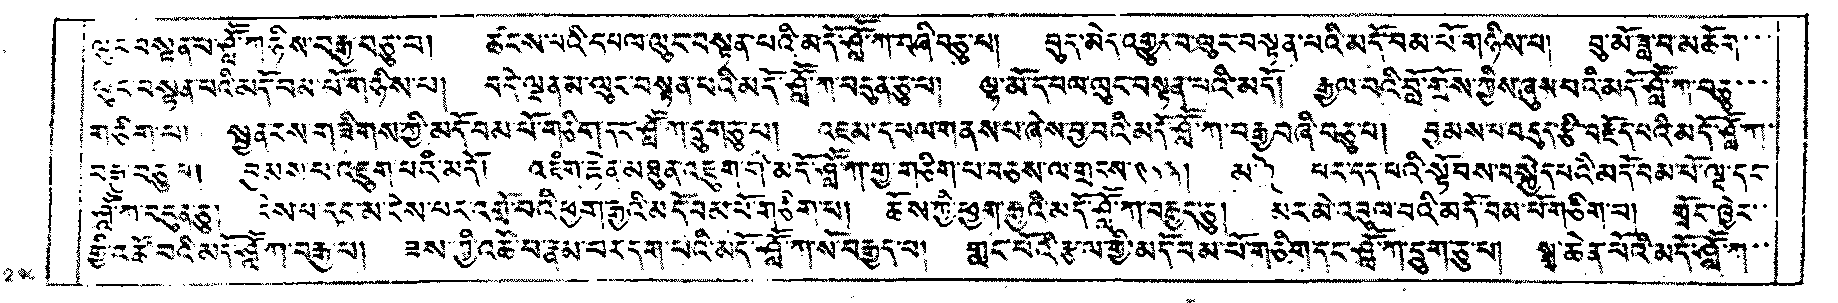ལུང་བསྟན་པ་ཤླཽ་ཀ་ཉིས་བརྒྱ་བཅུ་པ། ཚངས་པའི་དཔལ་ལུང་བསྟན་པའི་མདོ་ཤླཽ་ཀ་བཞི་བཅུ་པ། བུད་མེད་འགྱུར་བ་ལུང་བསྟན་པའི་མདོ་བམ་པོ་གཉིས་པ། བུ་མོ་ཟླ་བ་མཆོག་
ལུང་བསྟན་པའི་མདོ་བམ་པོ་གཉིས་པ། བདེ་ལྡན་མ་ལུང་བསྟན་པའི་མདོ་ཤླཽ་ཀ་བདུན་ཅུ་པ། ལྷ་མོ་དཔལ་ལུང་བསྟན་པའི་མདོ། རྒྱལ་བའི་བློ་གྲོས་ཀྱིས་ཞུས་པའི་མདོ་ཤླཽ་ཀ་བཅུ་
གཅིག་པ། སྤྱན་རས་གཟིགས་ཀྱི་མདོ་བམ་པོ་གཅིག་དང་ཤླཽ་ཀ་དྲུག་ཅུ་པ། འཇམ་དཔལ་གནས་པ་ཞེས་བྱ་བའི་མདོ་ཤླཽ་ཀ་བརྒྱ་བཞི་བཅུ་པ། བྱམས་པ་བདུད་རྩི་བརྗོད་པའི་མདོ་ཤླཽ་ཀ་
བརྒྱ་བཅུ་པ། བྱམས་པ་འཇུག་པའི་མདོ། འཇིག་རྟེན་མཐུན་འཇུག་གི་མདོ་ཤླཽ་ཀ་གྱ་གཅིག་པ་བཅས་ལ་གྲངས ༤༨༣། མ྄་པར་དད་པའི་སྟོབས་བསྐྱེད་པའི་མདོ་བམ་པོ་ལྔ་དང་
ཤླཽ་ཀ་བདུན་ཅུ། ངེས་པ་དང་མ་ངེས་པར་འགྲོ་བའི་ཕྱག་རྒྱའི་མདོ་བམ་པོ་གཅིག་པ། ཆོས་ཀྱི་ཕྱག་རྒྱའི་མདོ་ཤླཽ་ཀ་བརྒྱད་ཅུ། མར་མེ་འབུལ་བའི་མདོ་བམ་པོ་གཅིག་པ། གྲོང་ཁྱེར་
གྱི་འཚོ་བའི་མདོ་ཤླཽ་ཀ་བརྒྱ་པ། ཟས་ཀྱི་འཚོ་བ་རྣམ་པར་དག་པའི་མདོ་ཤླཽ་ཀ་སོ་བརྒྱད་པ། གླང་པོའི་རྩལ་གྱི་མདོ་བམ་པོ་གཅིག་དང་ཤླཽ་ཀ་དྲུག་ཅུ་པ། སྒྲ་ཆེན་པོའི་མདོ་ཤླཽ་ཀ་